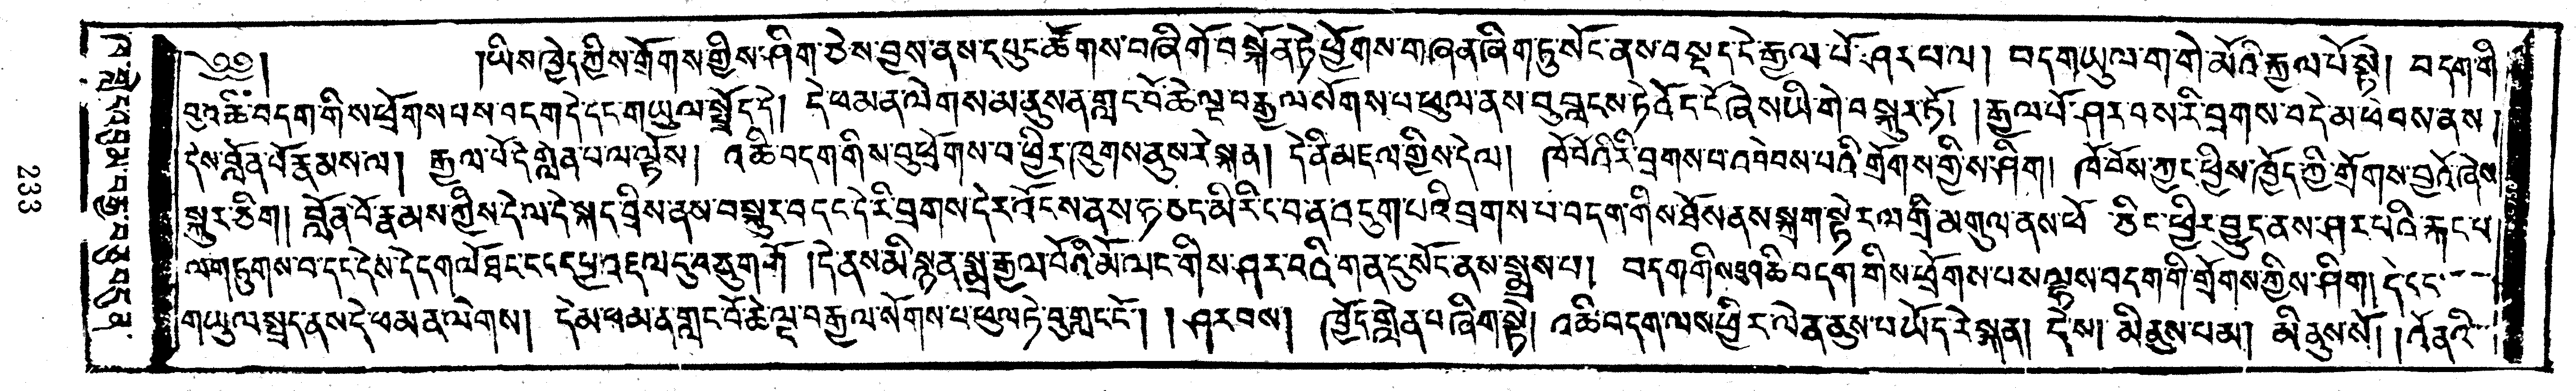༄༅། །ཡིས་ཁྱེད་ཀྱིས་གྲོགས་གྱིས་ཤིག་ཅེས་བྱས་ནས་དཔུང་ཚོགས་བཞི་གོ་བསྐོན་ཏེ་ཕྱོགས་གཞན་ཞིག་ཏུ་སོང་ནས་བསྔད་དེ་རྒྱལ་པོ་ཤར་པ་ལ། བདག་ཡུལ་ག་གེ་མོའི་རྐྱལ་པོ་སྟེ། བདག་གི་
བུ་འཆི་བདག་གིས་ཕྲོགས་པས་བདག་དེ་དང་གཡུལ་སྤྲོད་དེ། དེ་ཕམ་ན་ལེགས་མ་ནུས་ན་གླང་བོ་ཆེ་ལྔ་བརྒྱ་ལ་སོགས་པ་ཕུལ་ནས་བུ་བླངས་ཏེ་འོང་ངོ་ཞེས་ཡི་གེ་བསྐུར་ཏོ། །རྒྱལ་པོ་ཤར་བས་རི་བྲགས་བདེ་མ་ཕེབས་ནས།
དེས་བློན་པོ་རྣམས་ལ། རྒྱལ་པོ་དེ་གླེན་པ་ལ་ལྟོས། འཆི་བདག་གིས་བུ་ཕྲོགས་པ་ཕྱིར་ཁུགས་ནུས་རེ་སྐན། དེ་ནི་མཇལ་གྱིས་དེ་ལ། ཁོ་བོའི་རི་བྲགས་པ་འབེབས་པའི་གྲོགས་གྱི་ས་ཤིག། ཁོ་བོས་ཀྱང་ཕྱིས་ཁྱོད་ཀྱི་གྲོགས་བྱའོ་ཞེས་
སྐུར་ཅིག། བློན་པོ་རྣམས་ཀྱིས་དེ་ལ་དེ་སྐད་བྲིས་ནས་བསྐུར་བ་དང་དེ་རི་བྲགས་དེར་འོངས་ནས་ཧ་ཅང་མི་རིང་བ་ན་འདུག་པའི་བྲགས་པ་བདག་གིས་ཐོས་ནས་སྐྲག་སྟེ་རལ་གྲི་མགུལ་ནས་ཕོ་ཅིང་ཕྱིར་བྱུང་ནས་ཤར་བའི་རྐང་པ་
ལ་གཏུགས་བ་དང་དེས་དེ་དག་ལོ་ཐང་ངང་དཔྱ་འཇལ་དུ་བཅུག་གོ །དེ་ནས་མི་སྙན་སྨྲ་རྒྱལ་པོའི་མོ་ལང་གིས་ཤར་བའི་གན་དུ་སོང་ནས་སྨྲས་པ། བདག་གིས་བུ་འཆི་བདག་གིས་ཕྲོགས་པས་ལྷས་བདག་གི་གྲོགས་ཀྱིས་ཤིག། དེ་དང་
གཡུལ་སྤྲད་ནས་དེ་ཕམ་ན་ལེགས། དེ་ཕམ་ན་གླང་པོ་ཆེ་ལྔ་བརྒྱ་ལ་སོགས་པ་ཕུལ་ཏེ་བུ་གླང་ངོ། །ཤར་བས། ཁྱོད་གླེན་པ་ཞིག་སྟེ། འཆི་བདག་ལས་ཕྱིར་ལེན་ནུས་པ་ཡོད་རེ་སྐན། དེ་ས། མི་ནུས་པམ། མི་ནུས་སོ། །འོ་ནའི་